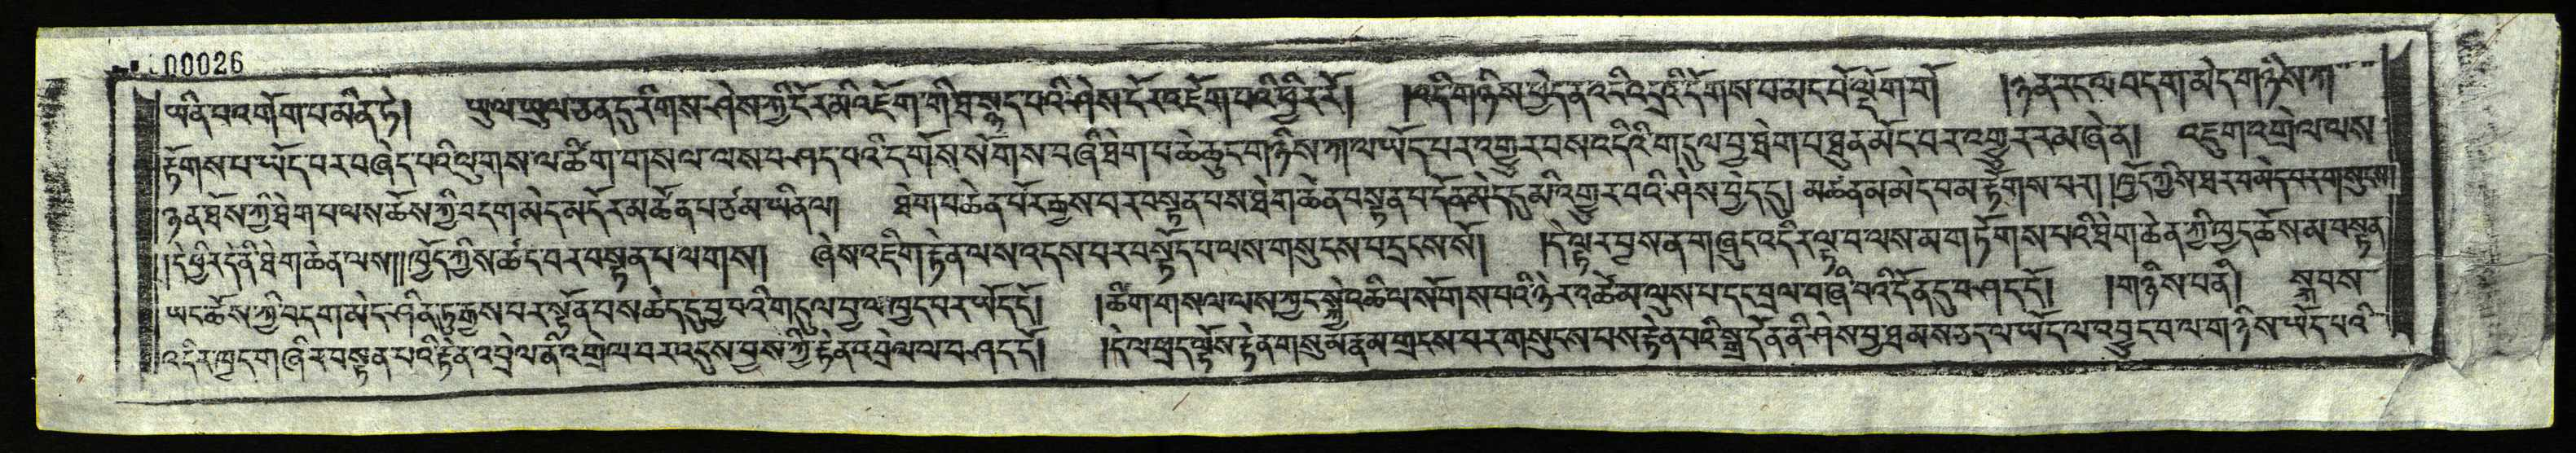ཡིན་པ་འགོག་པ་མིན་ཏེ། ཡུལ་ཡུལ་ཅན་དུ་རིགས་ཤེས་ཀྱི་ངོར་མི་འཇོག་གི་ཐ་སྙད་པའི་ཤེས་དོར་འཇོག་པའི་ཕྱིར་རོ། །འདི་གཉིས་ཕྱེད་ན་འདི་འདྲའི་དོགས་པ་མང་པོ་ལྡོག་གོ །ཉན་རང་ལ་བདག་མེད་གཉིས་ཀ་
རྟོགས་པ་ཡོད་པར་བཞེད་པའི་ལུགས་ལ་ཚིག་གསལ་ལས་བཤད་པའི་དགོས་སོགས་བཞི་ཐེག་པ་ཆེ་ཆུང་གཉིས་ཀ་ལ་ཡོད་པར་འགྱུར་བས་འདིའི་གདུལ་བྱ་ཐེག་པ་ཐུན་མོང་བར་འགྱུར་རམ་ཞེ་ན། འཇུག་འགྲེལ་ལས་
ཉན་ཐོས་ཀྱི་ཐེག་པ་ལས་ཆོས་ཀྱི་བདག་མེད་མདོར་མཚོན་པ་ཙམ་ཡིན་ལ། ཐེག་པ་ཆེན་པོར་རྒྱས་པར་བསྟན་པས་ཐེག་ཆེན་བསྟན་པ་དོན་མེད་དུ་མི་འགྱུར་བའི་ཤེས་བྱེད་དུ། མཚན་མ་མེད་པ་མ་རྟོགས་པར། །ཁྱོད་ཀྱིས་ཐར་བ་མེད་པར་གསུངས།
།དེ་ཕྱིར་དེ་ནི་ཐེག་པ་ཆེན་ལས། །ཁྱོད་ཀྱིས་ཚང་བར་བསྟན་པ་ལགས། ཞེས་འཇིག་རྟེན་ལས་འདས་བར་བསྟོད་པ་ལས་གསུངས་པ་དྲངས་སོ། །དེ་ལྟར་བྱས་ན་གཞུང་འདིར་ལྟ་བ་ལས་མ་གཏོགས་པའི་ཐེག་ཆེན་གྱི་ཁྱད་ཆོས་མ་བསྟན་
ཡང་ཆོས་ཀྱི་བདག་མེད་ཤིན་ཏུ་རྒྱས་པར་སྟོན་པས་ཆེད་དུ་བྱ་བའི་གདུལ་བྱ་ལ་ཁྱད་པར་ཡོད་དོ། །ཚིག་གསལ་ལས་ཀྱང་སྐྱེ་འཆི་ལ་སོགས་པའི་ཉེར་འཚེམ་ལུས་པ་དང་བྲལ་བ་ཞི་བའི་དོན་དུ་བཤད་དོ། །གཉིས་པ་ནི། སྐབས་
འདིར་ཁྱད་གཞིར་བསྟན་པའི་རྟེན་འབྲེལ་ནི་འགྲེལ་བར་འདུས་བྱས་ཀྱི་རྟེན་འབྲེལ་ལ་བཤད་དོ། །དེ་ལ་ཕྲད་ལྟོས་རྟེན་གསུམ་རྣམ་གྲངས་པར་གསུངས་པས་རྟེན་པའི་སྒྲ་དོན་ནི་ཤེས་བྱ་ཐམས་ཅད་ལ་ཡོད་ལ་འབྱུང་བ་ལ་གཉིས་ཡོད་པའི་